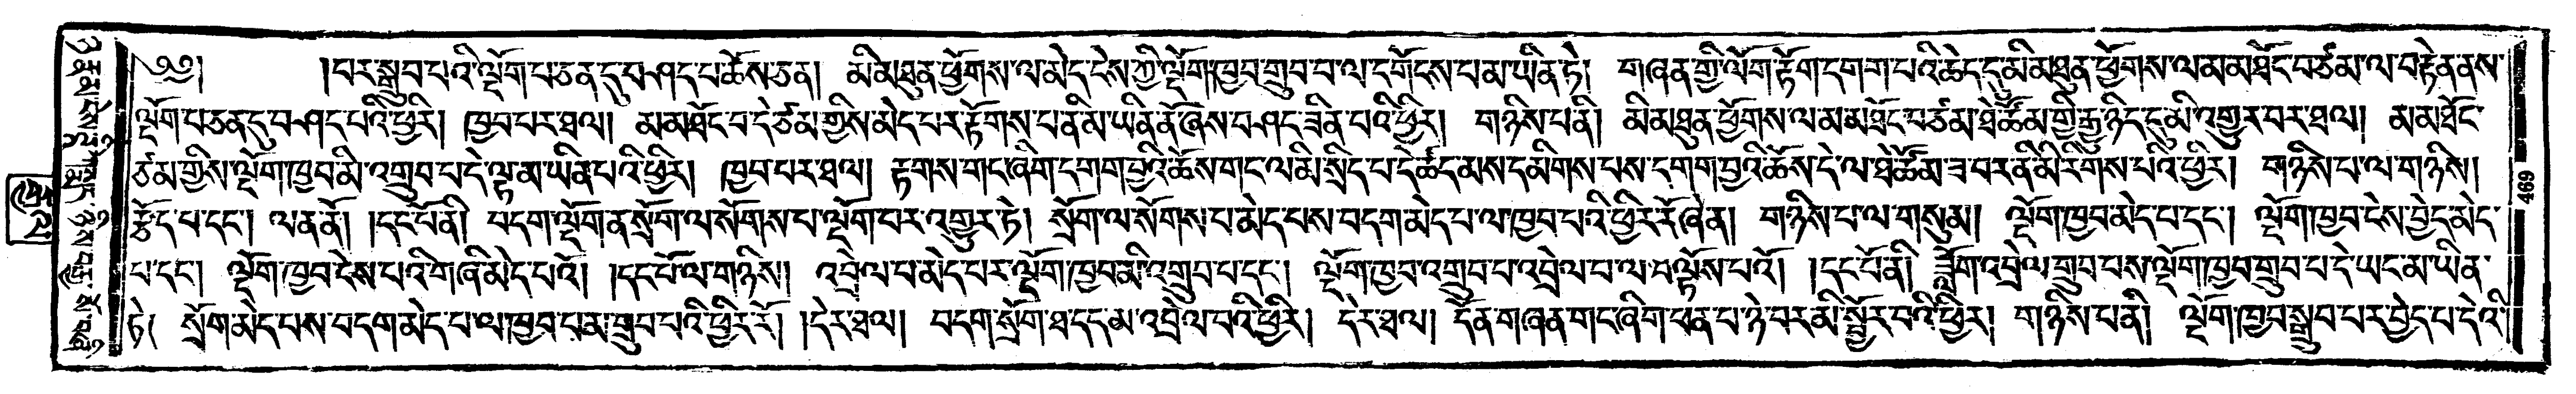༄༅། །བར་སྒྲུབ་པའི་ལྡོག་པ་ཅན་དུ་བཤད་པ་ཆོས་ཅན། མི་མཐུན་ཕྱོགས་ལ་མེད་ངེས་ཀྱི་ལྡོག་ཁྱབ་གྲུབ་པ་ལ་དགོངས་པ་མ་ཡིན་ཏེ། གཞན་གྱི་ལོག་རྟོག་དགག་པའི་ཆེད་དུ་མི་མཐུན་ཕྱོགས་ལམ་མཐོང་པ་ཙམ་ལ་བརྟེན་ནས་
ལྡོག་པ་ཅན་དུ་བཤད་པའི་ཕྱིར། ཁྱབ་པར་ཐལ། མ་མཐོང་པ་དེ་ཙམ་གྱིས་མེད་པར་རྟོགས་པ་ནི་མ་ཡིན་ནོ་ཞེས་བཤད་ཟིན་པའི་ཕྱིར། གཉིས་པ་ནི། མི་མཐུན་ཕྱོགས་ལ་མ་མཐོང་པ་ཙམ་ཐེ་ཚོམ་གྱི་རྒྱུ་ཉིད་དུ་མི་འགྱུར་པར་ཐལ། མ་མཐོང་
ཙམ་གྱིས་ལྡོག་ཁྱབ་མི་འགྲུབ་པ་དེ་ལྟ་མ་ཡིན་པའི་ཕྱིར། ཁྱབ་པར་ཐལ། རྟགས་གང་ཞིག་དགག་བྱའི་ཆོས་གང་ལ་མི་སྲིད་པ་དེ་ཚད་མས་དམིགས་པས་དགག་བྱའི་ཆོས་དེ་ལ་ཐེ་ཚོམ་ཟ་བར་ནི་མི་རིགས་པའི་ཕྱིར། གཉིས་པ་ལ་གཉིས།
རྩོད་པ་དང་། ལན་ནོ། །དང་པོ་ནི། བདག་ལྡོག་ན་སྲོག་ལ་སོགས་པ་ལྡོག་པར་འགྱུར་ཏེ། སྲོག་ལ་སོགས་པ་མེད་པས་བདག་མེད་པ་ལ་ཁྱབ་པའི་ཕྱིར་རོ་ཞེ་ན། གཉིས་པ་ལ་གསུམ། ལྡོག་ཁྱབ་མེད་པ་དང་། ལྡོག་ཁྱབ་ངེས་བྱེད་མེད་
པ་དང་། ལྡོག་ཁྱབ་ངེས་པའི་གཞི་མེད་པའོ། །དང་པོ་ལ་གཉིས། འབྲེལ་བ་མེད་པར་ལྡོག་ཁྱབ་མི་འགྲུབ་པ་དང་། ལྡོག་ཁྱབ་པ་འགྲུབ་པ་འགྲེལ་བ་ལ་བལྟོས་པའོ། །དང་པོ་ནི། ཟློག་འབྲེལ་གྲུབ་པས་ལྡོག་ཁྱབ་གྲུབ་པ་དེ་ཡང་མ་ཡིན་
ཏེ། སྲོག་མེད་པས་བདག་མེད་པ་ལ་ཁྱབ་པ་མ་གྲུབ་པའི་ཕྱིར་རོ། །དེར་ཐལ། བདག་སྲོག་ཐ་དད་མ་འབྲེལ་བའི་ཕྱིར། དེར་ཐལ། དོན་གཞན་གང་ཞིག་ཕན་པ་ཉེ་བར་མི་སྦྱོར་བའི་ཕྱིར། གཉིས་པ་ནི། ལྡོག་ཁྱབ་སྒྲུབ་པར་བྱེད་པ་དེའི་